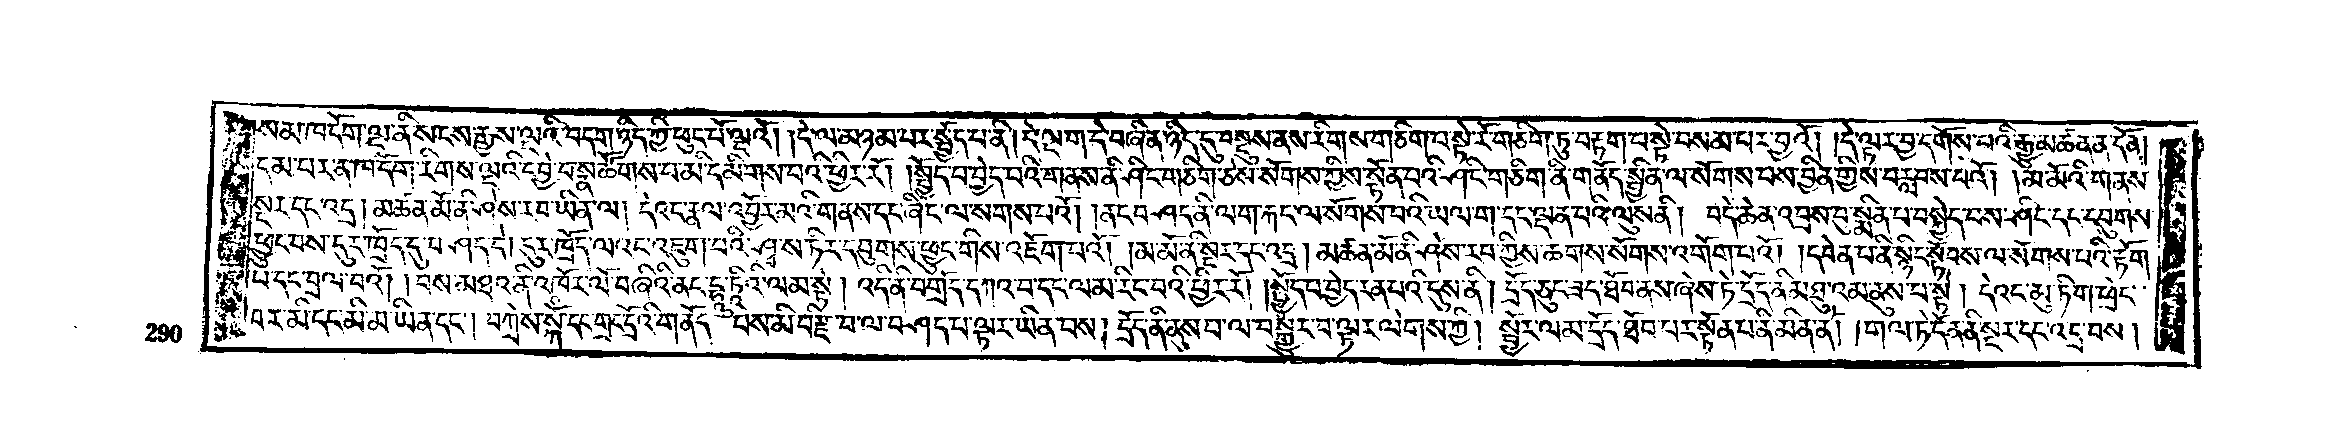སམ་ཁ་དོག་ལྔ་ནི་སངས་རྒྱས་ལྔའི་བདག་ཉིད་ཀྱི་ཕུང་པོ་ལྔའོ། །དེ་ལ་མཉམ་པར་སྤྱོད་པ་ནི། དེ་ལྔ་ག་དེ་བཞིན་ཉིད་དུ་བསྡུས་ནས་རིགས་གཅིག་པ་སྟེ་རོ་གཅིག་ཏུ་བརྟག་པ་སྟེ་བསམ་པར་བྱའོ། །དེ་ལྟར་བྱ་དགོས་པའི་རྒྱུ་མཚན་ན་དོན།
དམ་པར་ན་ཁ་དོག་རིགས་ལྔའི་དབྱེ་བ་སྣ་ཚོགས་པ་མི་དམིགས་པའི་ཕྱིར་རོ། །སྤྱོད་པ་བྱེད་པའི་གནས་ནི་ཤིང་གཅིག་ཅེས་སོགས་ཀྱིས་སྟོན་པའི་ཤིང་གཅིག་ནི་གནོད་སྦྱིན་ལ་སོགས་པས་བྱིན་གྱིས་བརླབས་པའོ། །མ་མོའི་གནས་
སྔར་དང་འདྲ། མཚན་མོ་ནི་ཤེས་རབ་ཡིན་ལ། དེའང་རྣལ་འབྱོར་མའི་གནས་དང་ཞིང་ལ་སོགས་པའོ། །ནང་བཤད་ནི་ལག་རྐང་ལ་སོགས་པའི་ཡལ་ག་དང་ལྡན་པའི་ལུས་ནི། བདེ་ཆེན་འབྲས་བུ་སྨིན་པ་བསྐྱེད་པས་ཤིང་དང་དབུགས་
ཕྱུང་བས་དུར་ཁྲོད་དུ་བཤད་དེ། དུར་ཁྲོད་ལའང་འཇུག་པའི་ཤྭ་ས་ཏིར་དབུགས་ཕྱུང་གིས་འཇོག་པའོ། །མ་མོ་ནི་སྔར་དང་འདྲ། མཚན་མོ་ནི་ཤེས་རབ་ཀྱིས་ཆགས་སོགས་འགོག་པའོ། །དབེན་པ་ནི་སྙིང་སྟོབས་ལ་སོགས་པའི་རྟོག་
པ་དང་བྲལ་བའོ། །བས་མཐའ་ནི་འཁོར་ལོ་བཞིའི་ནང་དྷཱུ་ཏཱིའི་ལམ་སྟེ། འདི་ནི་བགྲོད་དཀའ་བ་དང་ལམ་རིང་བའི་ཕྱིར་རོ། །སྤྱོད་པ་བྱེད་རན་པའི་དུས་ནི། དྲོད་ཅུང་ཟད་ཐོབ་ནས་ཞེས་ཏེ་དྲོད་ནི་མཐུ་འམ་ནུས་པ་སྟེ། དེའང་མུ་ཏིག་ཕྲེང་
བར་མི་དང་མི་མ་ཡིན་དང་། བཀྲེས་སྐོཾ་དང་གྲང་དྲོའི་གནོད་པས་མི་བརྫི་བ་ལ་བཤད་པ་ལྟར་ཡིན་པས། དྲོད་ནི་ནུས་པ་ལ་བསྒྱུར་བ་ལྟར་ལེགས་ཀྱི། སྦྱོར་ལམ་དྲོད་ཐོབ་པར་སྟོན་པ་ནི་མིན་ནོ། །གལ་ཏེ་དོན་ནི་སྔར་དང་འདྲ་བས།